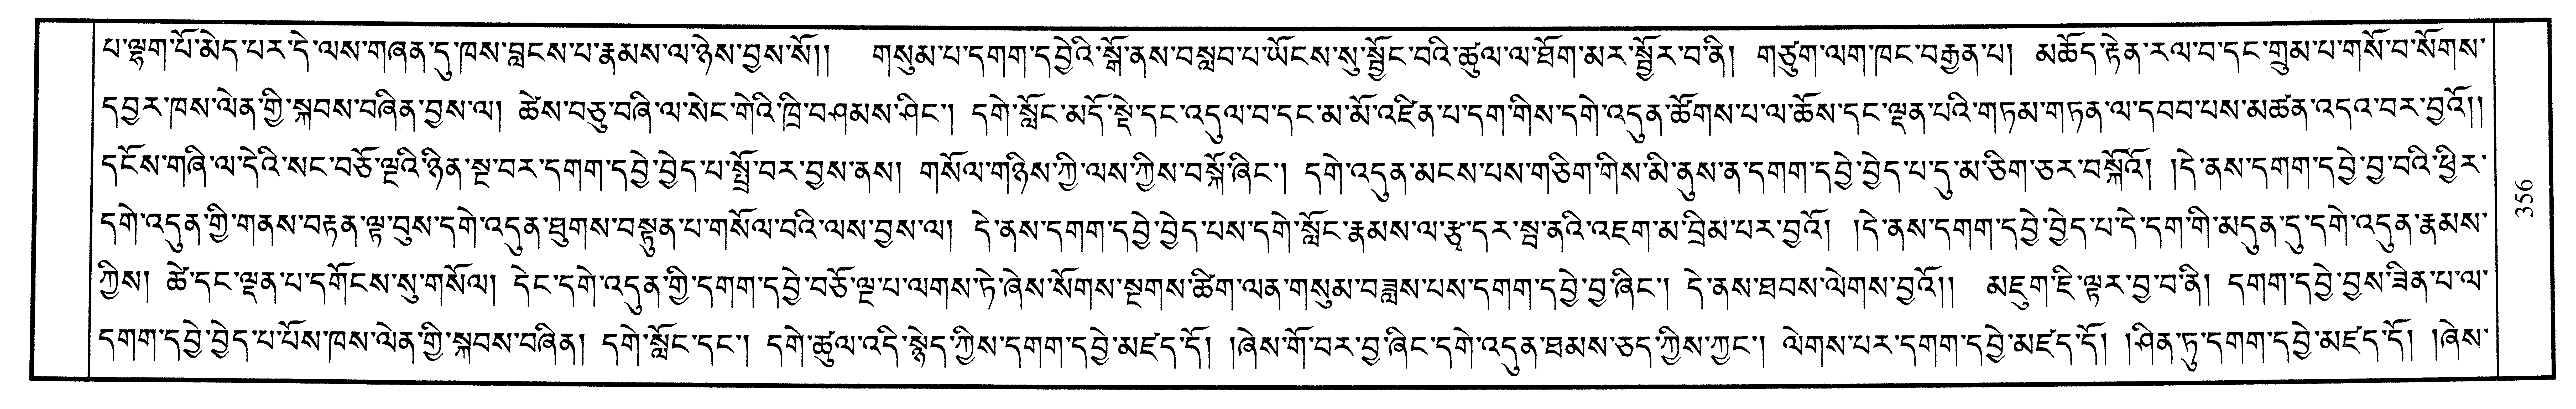པ་ལྷག་པོ་མེད་པར་དེ་ལས་གཞན་དུ་ཁས་བླངས་པ་རྣམས་ལ་ཉེས་བྱས་སོ།། གསུམ་པ་དགག་དབྱེའི་སྒོ་ནས་བསླབ་པ་ཡོངས་སུ་སྦྱོང་བའི་ཚུལ་ལ་ཐོག་མར་སྦྱོར་བ་ནི། གཙུག་ལག་ཁང་བརྒྱན་པ། མཆོད་རྟེན་རལ་བ་དང་གྲུམ་པ་གསོ་བ་སོགས་
དབྱར་ཁས་ལེན་གྱི་སྐབས་བཞིན་བྱས་ལ། ཚེས་བཅུ་བཞི་ལ་སེང་གེའི་ཁྲི་བཤམས་ཤིང་། དགེ་སློང་མདོ་སྡེ་དང་འདུལ་བ་དང་མ་མོ་འཛིན་པ་དག་གིས་དགེ་འདུན་ཚོགས་པ་ལ་ཆོས་དང་ལྡན་པའི་གཏམ་གཏན་ལ་དབབ་པས་མཚན་འདའ་བར་བྱའོ།།
དངོས་གཞི་ལ་དེའི་སང་བཅོ་ལྔའི་ཉིན་སྔ་བར་དགག་དབྱེ་བྱེད་པ་སྤྲོ་བར་བྱས་ནས། གསོལ་གཉིས་ཀྱི་ལས་ཀྱིས་བསྐོ་ཞིང་། དགེ་འདུན་མངས་པས་གཅིག་གིས་མི་ནུས་ན་དགག་དབྱེ་བྱེད་པ་དུ་མ་ཅིག་ཅར་བསྐོའོ། །དེ་ནས་དགག་དབྱེ་བྱ་བའི་ཕྱིར་
དགེ་འདུན་གྱི་གནས་བརྟན་ལྟ་བུས་དགེ་འདུན་ཐུགས་བསྟུན་པ་གསོལ་བའི་ལས་བྱས་ལ། དེ་ནས་དགག་དབྱེ་བྱེད་པས་དགེ་སློང་རྣམས་ལ་རྩྭ་དར་སྦ་ནའི་འཇག་མ་བྲིམ་པར་བྱའོ། །དེ་ནས་དགག་དབྱེ་བྱེད་པ་དེ་དག་གི་མདུན་དུ་དགེ་འདུན་རྣམས་
ཀྱིས། ཚེ་དང་ལྡན་པ་དགོངས་སུ་གསོལ། དེང་དགེ་འདུན་གྱི་དགག་དབྱེ་བཅོ་ལྔ་པ་ལགས་ཏེ་ཞེས་སོགས་སྔགས་ཚིག་ལན་གསུམ་བཟླས་པས་དགག་དབྱེ་བྱ་ཞིང་། དེ་ནས་ཐབས་ལེགས་བྱའོ། མཇུག་ཇི་ལྟར་བྱ་བ་ནི། དགག་དབྱེ་བྱས་ཟིན་པ་ལ་
དགག་དབྱེ་བྱེད་པ་པོས་ཁས་ལེན་གྱི་སྐབས་བཞིན། དགེ་སློང་དང་། དགེ་ཚུལ་འདི་སྙེད་ཀྱིས་དགག་དབྱེ་མཛད་དོ། །ཞེས་གོ་བར་བྱ་ཞིང་དགེ་འདུན་ཐམས་ཅད་ཀྱིས་ཀྱང་། ལེགས་པར་དགག་དབྱེ་མཛད་དོ། །ཤིན་ཏུ་དགག་དབྱེ་མཛད་དོ། །ཞེས་